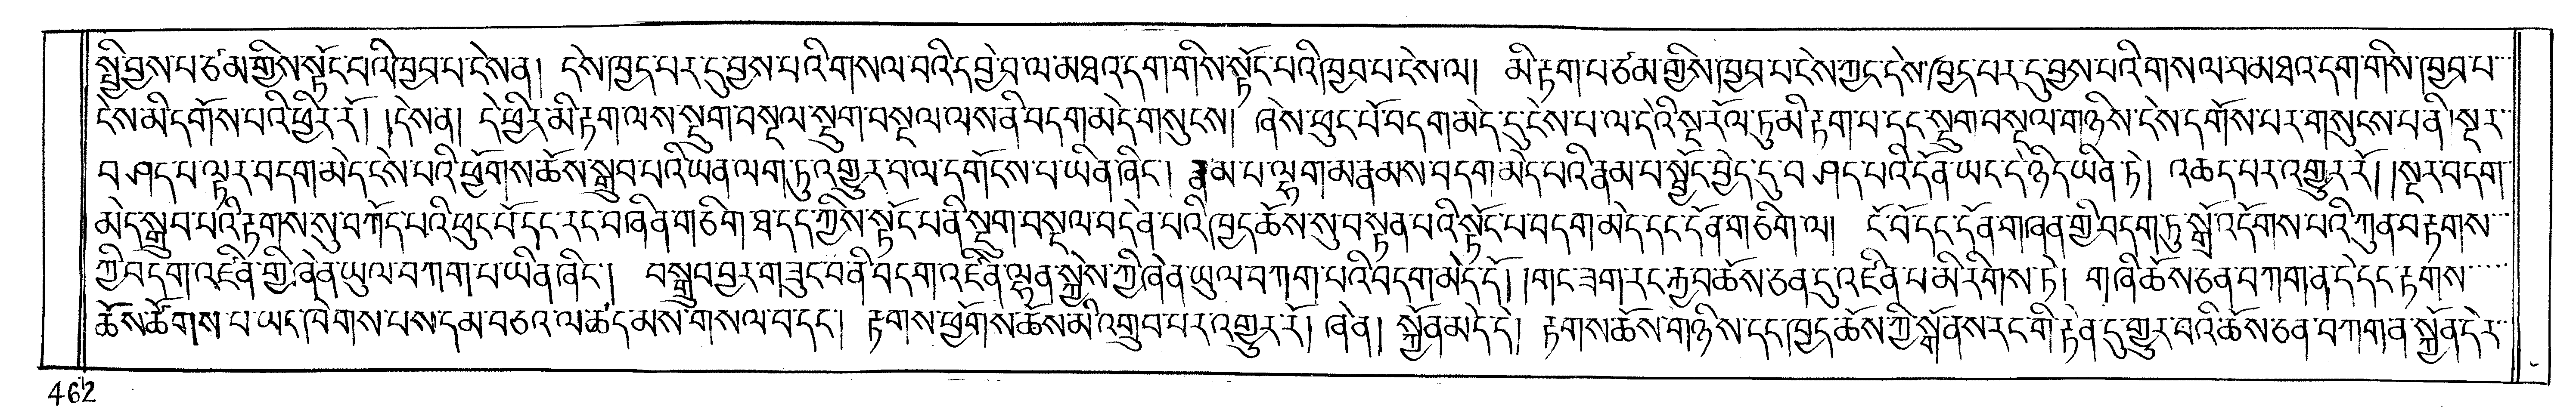སྤྱི་བྱས་པ་ཙམ་གྱིས་སྟོང་བའི་ཁྱབ་པ་ངེས་ན། དེས་ཁྱད་པར་དུ་བྱས་པའི་གསལ་བའི་དབྱེ་བ་ལ་མཐའ་དག་གིས་སྟོང་པའི་ཁྱབ་པ་ངེས་ལ། མི་རྟག་པ་ཙམ་གྱིས་ཁྱབ་པ་ངེས་ཀྱང་དེས་ཁྱད་པར་དུ་བྱས་པའི་གསལ་བ་མཐའ་དག་གིས་ཁྱབ་པ་
ངེས་མི་དགོས་པའི་ཕྱིར་རོ། །དེས་ན། དེ་ཕྱིར་མི་རྟག་ལས་སྡུག་བསྔལ། སྡུག་བསྔལ་ལས་ནི་བདག་མེད་གསུངས། ཞེས་ཕུང་པོ་བདག་མེད་དུ་ངེས་པ་ལ་དེའི་སྔ་རོལ་ཏུ་མི་རྟག་བ་དང་སྡུག་བསྔལ་གཉིས་ངེས་དགོས་པར་གསུངས་པ་ནི། སྔར་
བཤད་པ་ལྟར་བདག་མེད་ངེས་པའི་ཕྱོགས་ཆོས་སྒྲུབ་པའི་ཡན་ལག་ཏུ་འགྱུར་བ་ལ་དགོངས་པ་ཡིན་ཞིང་། རྣམ་པ་ལྷག་མ་རྣམས་བདག་མེད་པའི་རྣམ་པ་སྦྱོང་བྱེད་དུ་བཤད་པའི་དོན་ཡང་དེ་ཉིད་ཡིན་ཏེ། འཆད་པར་འགྱུར་རོ། །སྔར་བདག་
མེད་སྒྲུབ་པའི་རྟགས་སུ་བཀོད་པའི་ཕུང་པོ་དང་རང་བཞིན་གཅིག་ཐ་དད་ཀྱིས་སྟོང་པ་ནི་སྡུག་བསྔལ་བདེན་པའི་ཁྱད་ཆོས་སུ་བསྟན་པའི་སྟོང་པ་བདག་མེད་དང་དོན་གཅིག་ལ། ངོ་བོ་དང་དོན་གཞན་གྱི་བདག་ཏུ་སྒྲོ་འདོགས་པའི་ཀུན་བརྟགས་
ཀྱི་བདག་འཛིན་གྱི་ཞེན་ཡུལ་བཀག་པ་ཡིན་ཞིང་། བསྒྲུབ་བྱར་གཟུང་བ་ནི་བདག་འཛིན་ལྷན་སྐྱེས་ཀྱི་ཞེན་ཡུལ་བཀག་པའི་བདག་མེད་དོ། །གང་ཟག་རང་རྐྱ་བ་ཆོས་ཅན་དུ་འཛིན་པ་མི་རིགས་ཏེ། གཞི་ཆོས་ཅན་བཀག་ན་དེ་དང་རྟགས་
ཆོས་ཚོགས་པ་ཡང་ཁེགས་པས་དམ་བཅའ་ལ་ཚད་མས་གསལ་བ་དང་། རྟགས་ཕྱོགས་ཆོས་མི་འགྲུབ་པར་འགྱུར་རོ། ཞེ་ན། སྐྱོན་མེད་དེ། རྟགས་ཆོས་གཉིས་དང་ཁྱད་ཆོས་ཀྱི་སྒོ་ནས་རང་གི་རྟེན་དུ་གྱུར་པའི་ཆོས་ཅན་བཀག་ན་སྐྱོན་དེར་